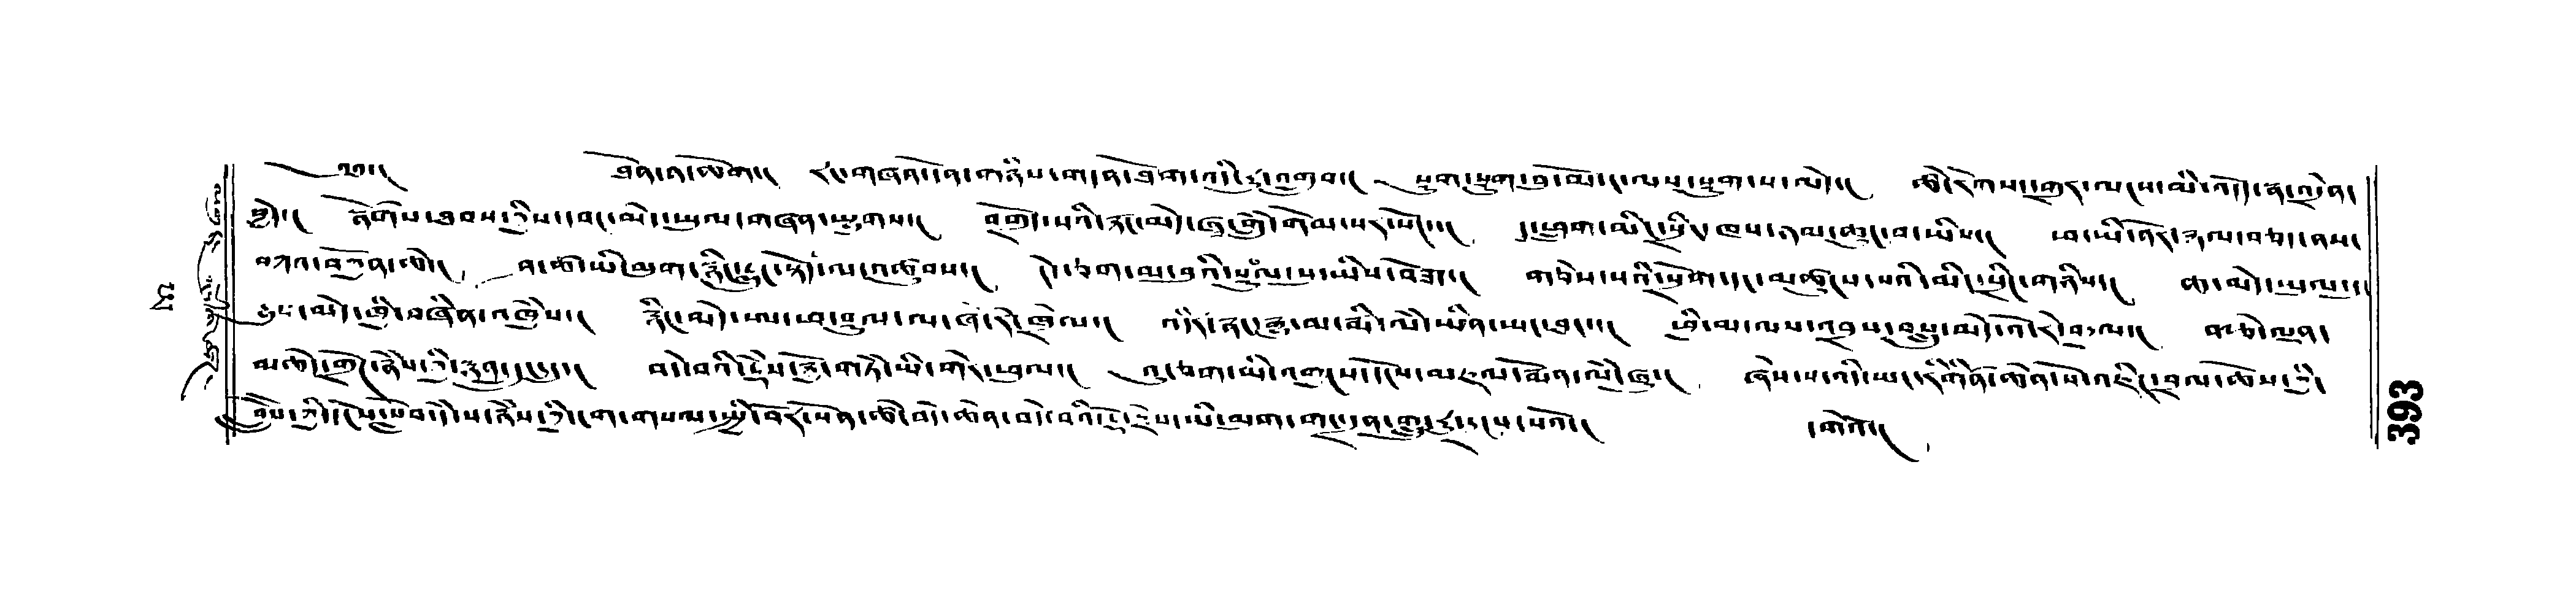ཐོན་ན་ཆོག །རང་གཞན་དོན་གཉིས་གདན་ཐོག་འདི་རུ་འགྲུབ། །སྡུག་སྡུག་བུ་མོ་ང་ལས་སྡུག་པ་མེད། །ཚེ་རོགས་གྲར་ལངས་མི་འདོད་སྣ་འདྲེན་
བྱེད། །སྣ་ཚོགས་ཐབས་ཀྱིས་དབང་མེད་ཡུལ་གཞན་སྤྱུགས། །བགྲོད་པའི་རྐང་མེད་ཞྭ་གྲུམ་གོམ་པར་སོང་། །དྭ་ཕྲུག་མིང་སྲིང་ཁས་ཉམ་ཆུང་བ་ཡིས། །ཕ་ཡི་ནོར་སྐལ་བཅད་ནས་
བཀའ་བཀྱོན་ཆེ། །ཤ་ཚ་ཡི་མུག་སྙིང་རླུང་སྟོད་ལ་འཚུབས། །ངེད་ཅག་མ་བུའི་སྡུག་བསྔལ་སུ་ཡིས་བཟོད། །གཅེས་པའི་སྲོག་དང་མཚུངས་པའི་མིང་སྲིང་གཉིས། །ཆ་མེད་ཡུལ་དུ་
རྒྱུས་མེད་ཁྱི་བཞིན་འཁྱམས། །སྙིང་མེད་ཨ་ཕ་ཤུལ་ལ་ཞེ་རེ་ཁྲེལ། །འདིར་སྣང་སྒྱུ་མ་རྨི་ལམ་ཡིན་ཡང་ཐང་། །ཕྱི་མ་ལས་འབྲས་བསླུ་མེད་འོ་རེ་བརྒྱལ། །བརྩེ་ལྡན་
མཆེད་གྲོགས་རྣམས་ཀྱི་སྙན་དྲུང་དུ། །བདེ་བའི་རྡོ་རྗེས་སྐྱོ་གཏམ་ཡི་གེར་ཕུལ། །འུ་ཅག་མི་འགྱངས་དངོས་མཇལ་སྨོན་ལམ་ཞུ། ཞེས་པ་འདི་ཡང་རིག་འཛིན་ཆེན་པོ་འཇིགས་བྲལ་ཆོས་ཀྱི་
བློ་གྲོས་ཀྱིས་དངོས་སློབ་དམ་པ་རྣམས་ཀྱི་ངག་གསལ་སྤྱི་བོར་སོན་ཚེ་བདེ་ཆེན་བདེ་བའི་རྡོ་རྗེས་ཡི་མུག་གང་དྲན་གླུ་རུ་དྲངས་པའོ།། དགེའོ།།